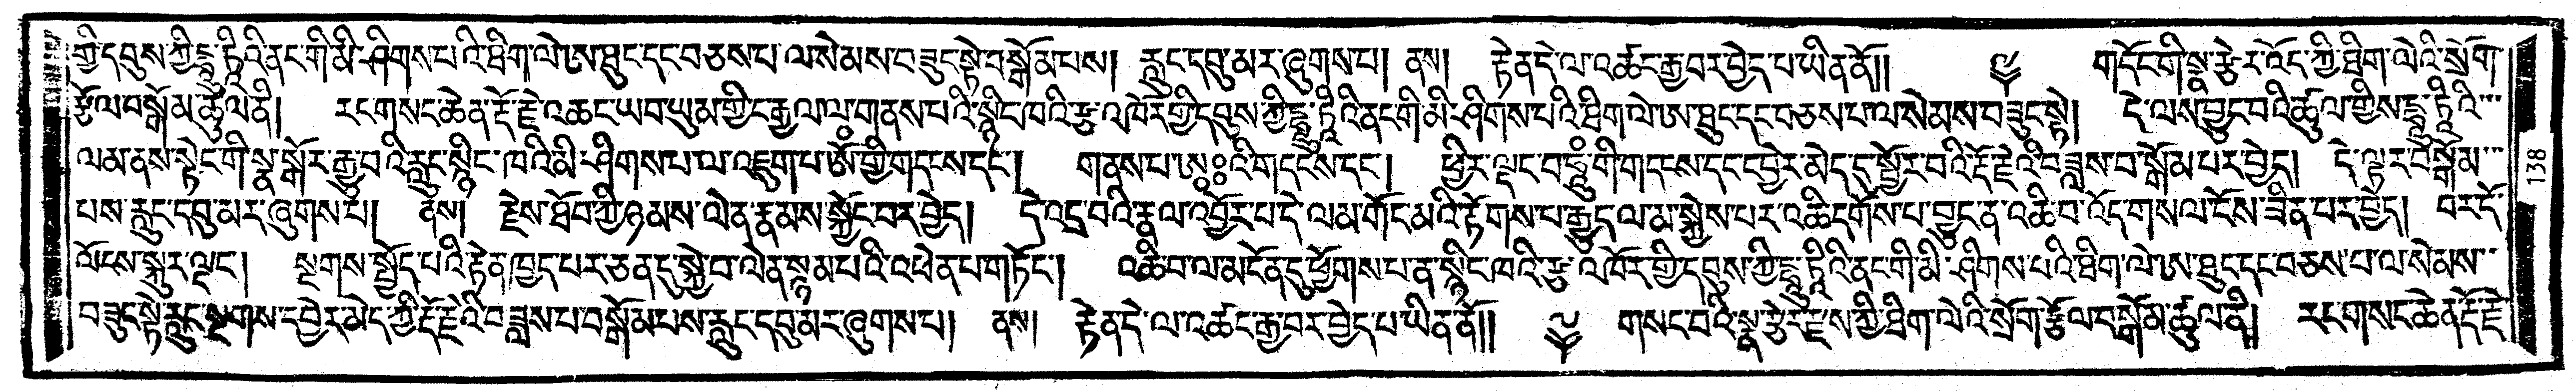གྱི་དབུས་ཀྱི་དྷཱུ་ཏཱིའི་ནང་གི་མི་ཤིགས་པའི་ཐིག་ལེ་ཨ་ཐུང་དང་བཅས་པ་ལ་སེམས་བཟུང་སྟེ་བསྒོམ་པས། རླུང་དབུ་མར་ཞུགས་པ། ནས། རྟེན་དེ་ལ་འཚང་རྒྱ་བར་བྱེད་པ་ཡིན་ནོ།། ༈ གདོང་གི་སྣ་རྩེར་འོད་ཀྱི་ཐིག་ལེའི་སྲོག་
རྩོལ་བསྒོམ་ཚུལ་ནི། རང་གསང་ཆེན་རྡོ་རྗེ་འཆང་ཡབ་ཡུམ་གྱི་ང་རྒྱལ་ལ་གནས་པའི་སྙིང་ཁའི་རྩ་འཁོར་གྱི་དབུས་ཀྱི་དྷཱུ་ཏཱིའི་ནང་གི་མི་ཤིགས་པའི་ཐིག་ལེ་ཨ་ཐུང་དང་བཅས་པ་ལ་སེམས་བཟུང་སྟེ། དེ་ལས་བྱུང་བའི་ཚུལ་གྱིས་དྷཱུ་ཏཱིའི་
ལམ་ནས་སྟེང་གི་སྣ་སྒོར་རྒྱུ་བའི་རླུང་སྙིང་ཁའི་མི་ཤིགས་པ་ལ་འཇུག་པ་ཨོཾ་གྱི་གདངས་དང་། གནས་པ་ཨཱཿའི་གདངས་དང་། ཕྱིར་ལྡང་བ་ཧཱུཾ་གི་གདངས་དང་དབྱེར་མེད་དུ་སྦྱོར་བའི་རྡོ་རྗེའི་བཟླས་བ་སྒོམ་པར་བྱེད། དེ་ལྟར་བསྒོམ་
པས་རླུང་དབུ་མར་ཞུགས་པ། ནས། རྗེས་ཐོབ་ཀྱི་ཉམས་ལེན་རྣམས་སྐྱོང་བར་བྱེད། དེ་འདྲ་བའི་རྣལ་འབྱོར་པ་དེ་ལམ་གོང་མའི་རྟོགས་པ་རྒྱུད་ལ་མ་སྐྱེས་པར་འཆི་དགོས་པ་བྱུང་ན་འཆི་བ་འོད་གསལ་ངོས་ཟིན་པར་བྱེད། བར་དོ་
ལོངས་སྐུར་ལྡང་། སྔགས་སྤྱོད་པའི་རྟེན་ཁྱད་པར་ཅན་དུ་སྐྱེ་བ་ལེན་སྙམ་པའི་འཕེན་པ་གཏོང་། འཆི་བ་ལ་མངོན་དུ་ཕྱོགས་པ་ན་སྙིང་ཁའི་རྩ་འཁོར་གྱི་དབུས་ཀྱི་དྷཱུ་ཏཱིའི་ནང་གི་མི་ཤིགས་པའི་ཐིག་ལེ་ཨ་ཐུང་དང་བཅས་པ་ལ་སེམས་
བཟུང་སྟེ་རླུང་སྔགས་དབྱེར་མེད་ཀྱི་རྡོ་རྗེའི་བཟླས་པ་བསྒོམ་པས་རླུང་དབུ་མར་ཞུགས་པ། ནས། རྟེན་དེ་ལ་འཚང་རྒྱ་བར་བྱེད་པ་ཡིན་ནོ།། ༈ གསང་བའི་སྣ་རྩེར་རྫས་ཀྱི་ཐིག་ལེའི་སྲོག་རྩོལ་བསྒོམ་ཚུལ་ནི། རང་གསང་ཆེན་རྡོ་རྗེ་